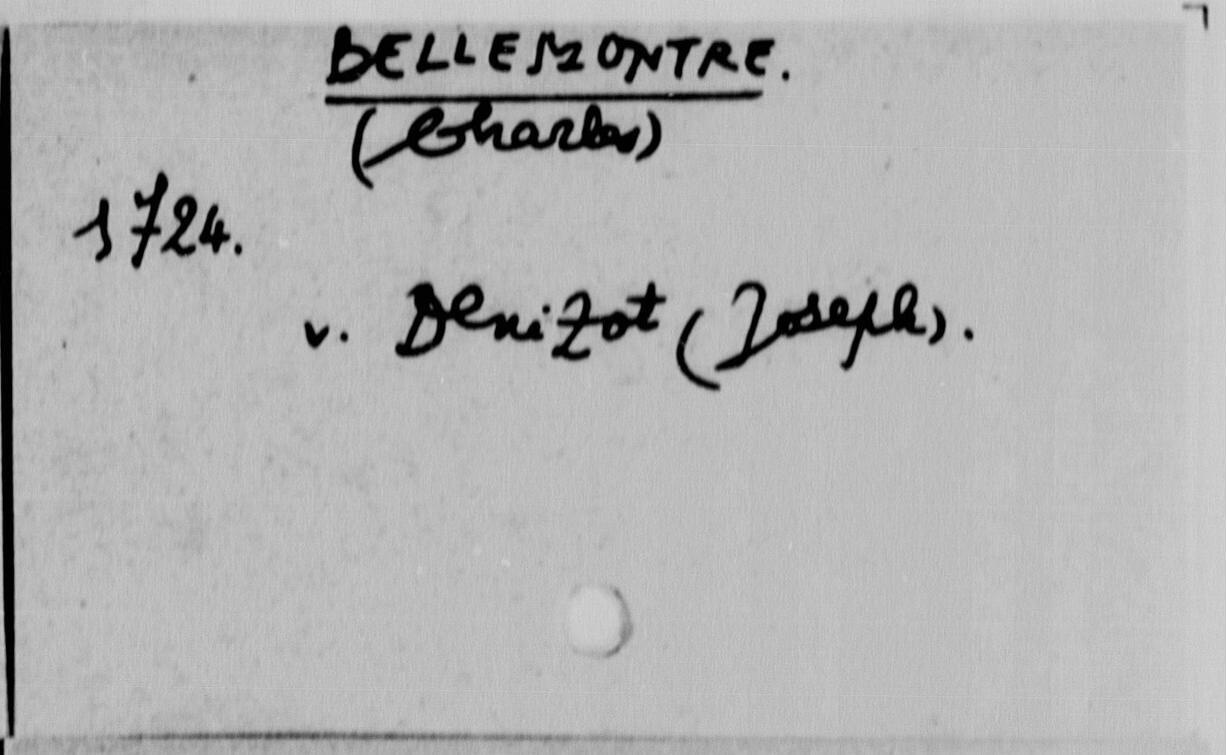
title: BELLEMONTRE (Charles)
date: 1724
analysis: Voir DENIZOT (Joseph)
